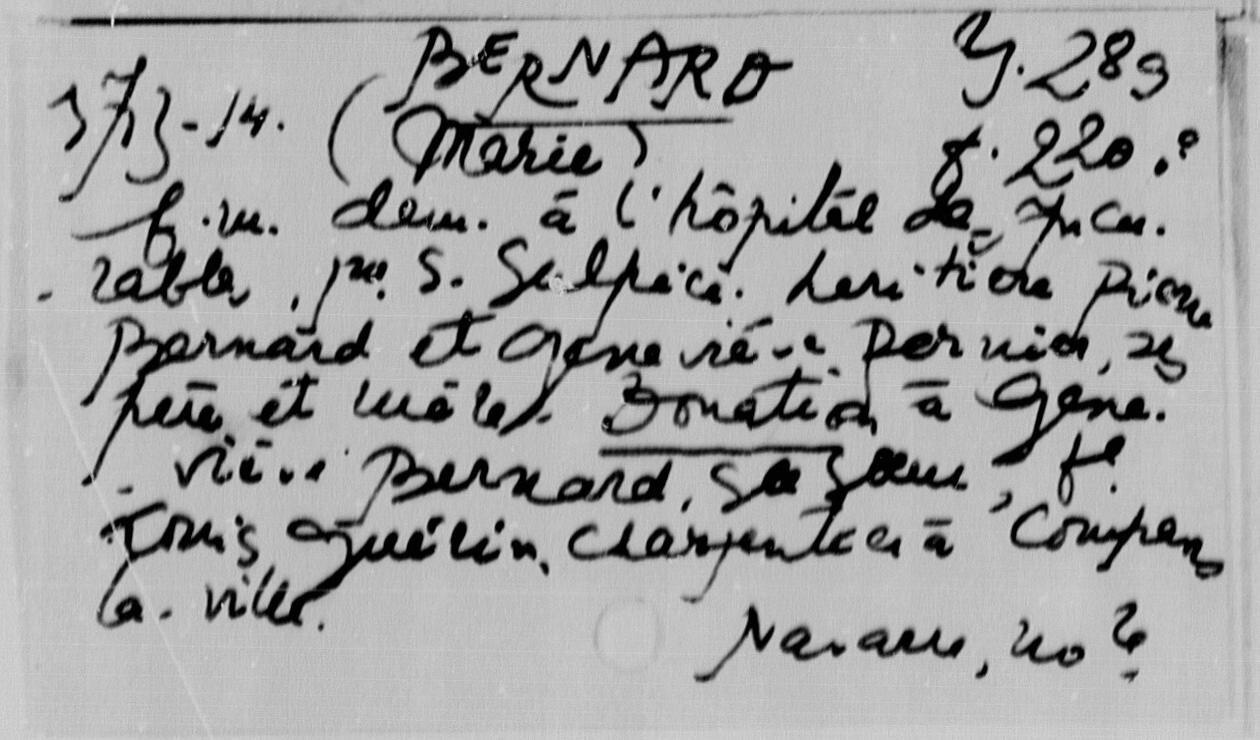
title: BERNARD (Marie)
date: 1713-1714
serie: Y
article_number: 289
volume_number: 220v
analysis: Fille majeure, demeurant à l'hôpital des Incurables, paroisse Saint-Sulpice. Héritière Pierre Bernard et Geneviève Pernier, ses père et mére. Donation à Geneviève Bernard, sa sœur, femme Louis Guérin, charpentier à Compans-la-ville. Navarre, notaire.
